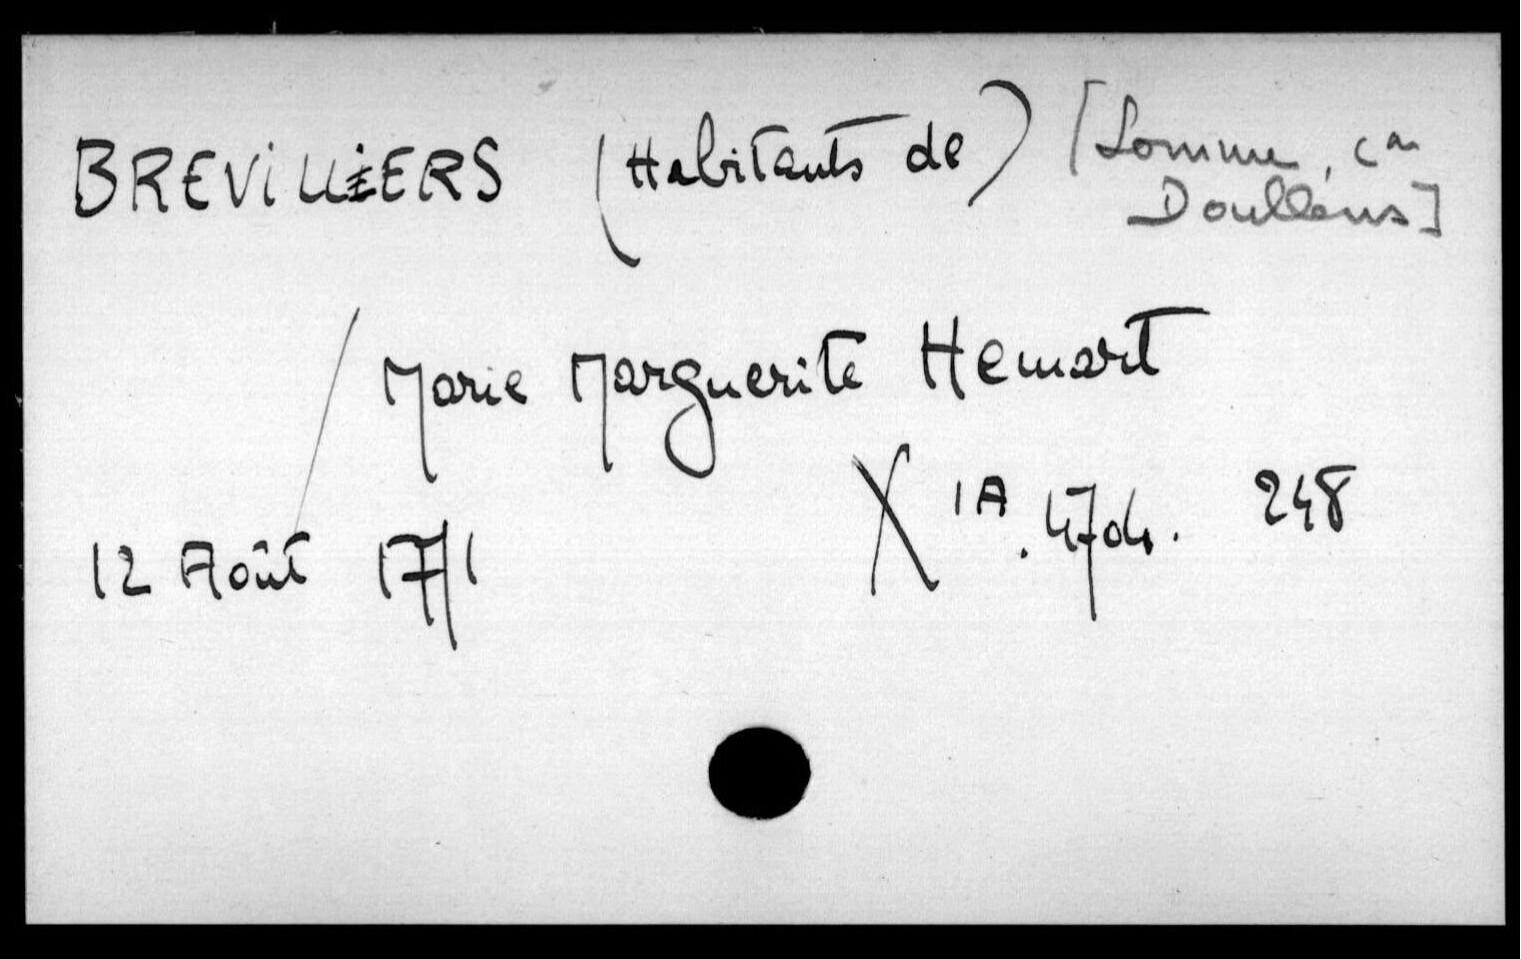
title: BREVILLIERS (Habitants de) [Somme, canton doullens]
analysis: Contre Marie Marguerite Hemart
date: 12 août 1771
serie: X1A
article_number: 4704
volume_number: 248
